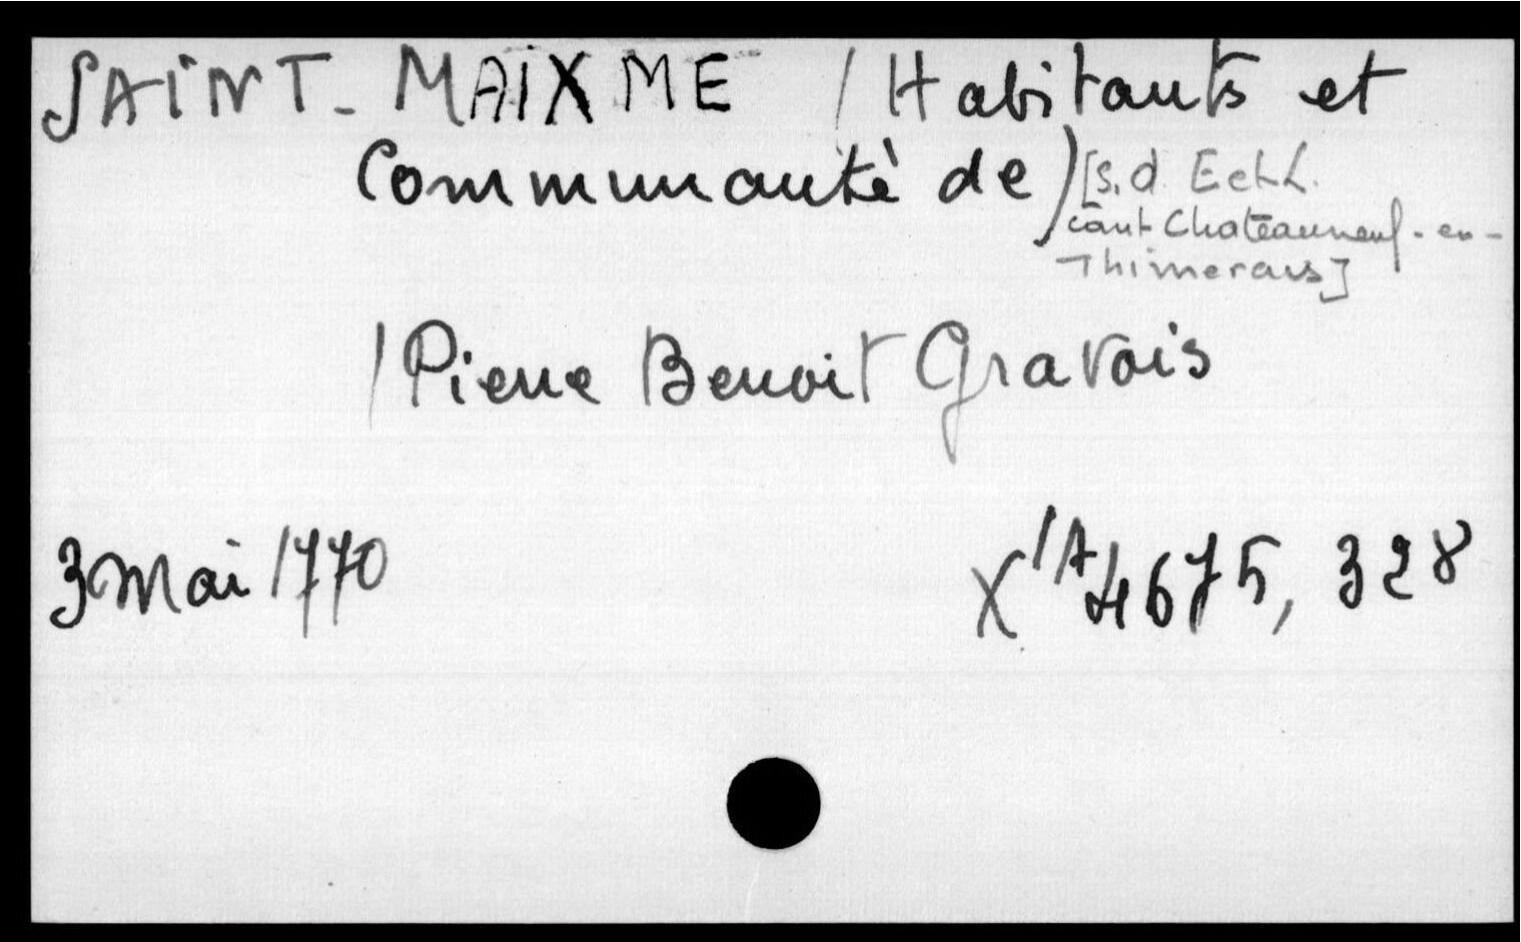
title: SAINT-MAIXME (Habitants et Communauté de) [s. d. Eure-et-Loir, canton Châteauneuf-en-Thimerais}
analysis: Contre Pierre Benoit Gravois
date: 3 mai 1770
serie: X1A
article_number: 4675
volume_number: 328
